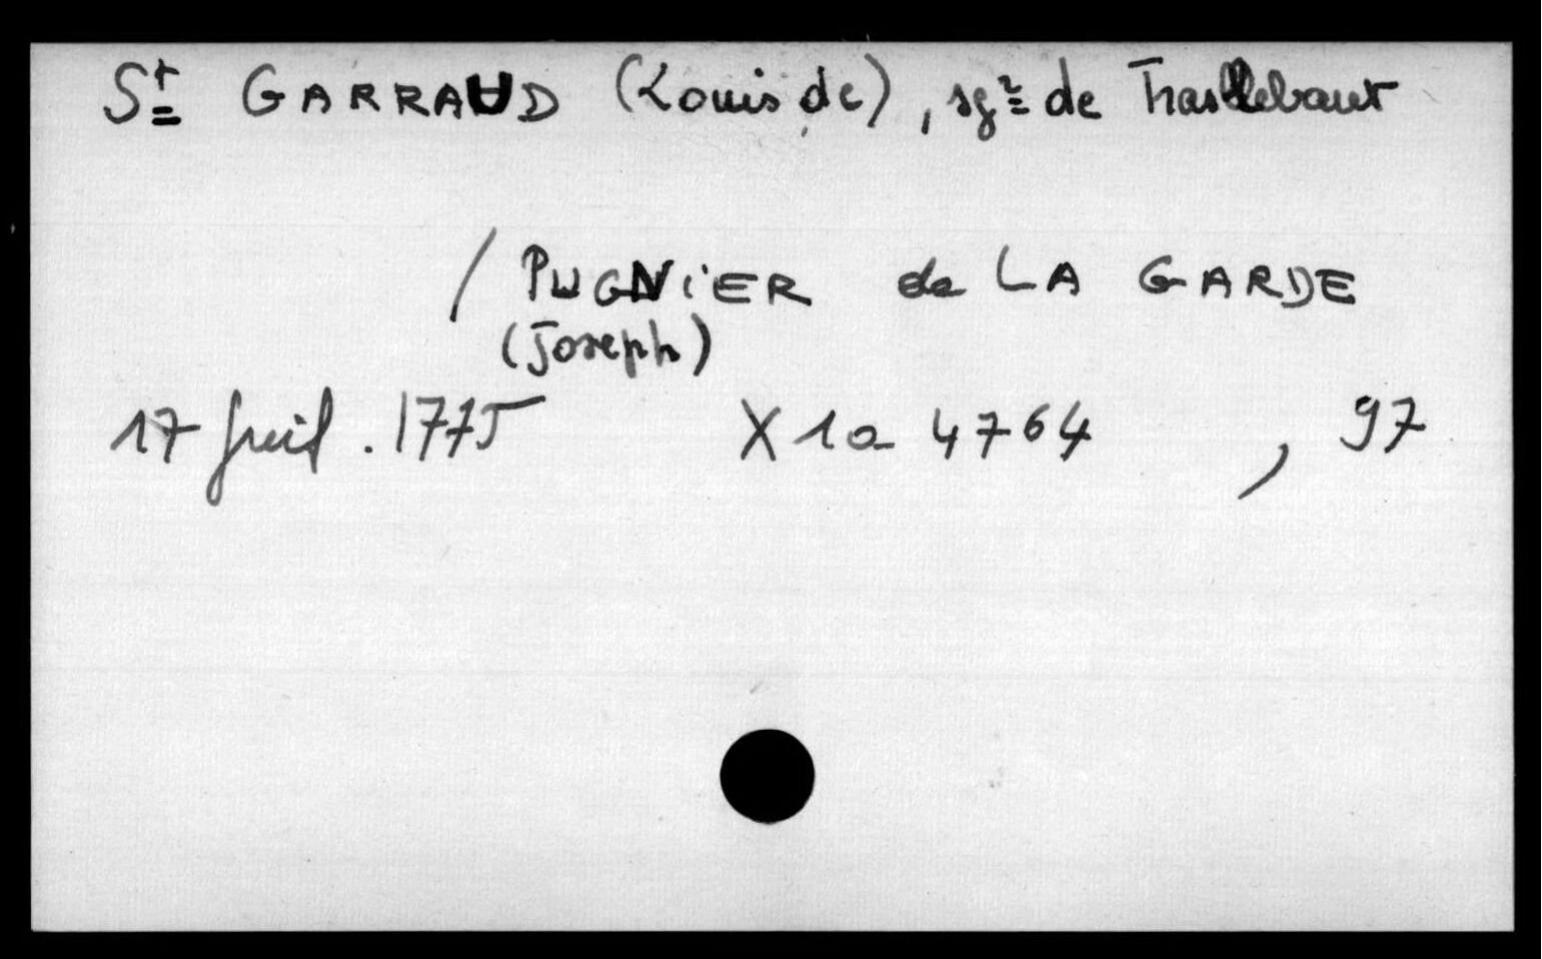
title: SAINT GARRAUD (Louis de), seigneur de Trasllebaut
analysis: Contre PUGNIER de LA GARDE (Joseph)
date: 17 juillet 1775
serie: X1a
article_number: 4764
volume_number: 97
